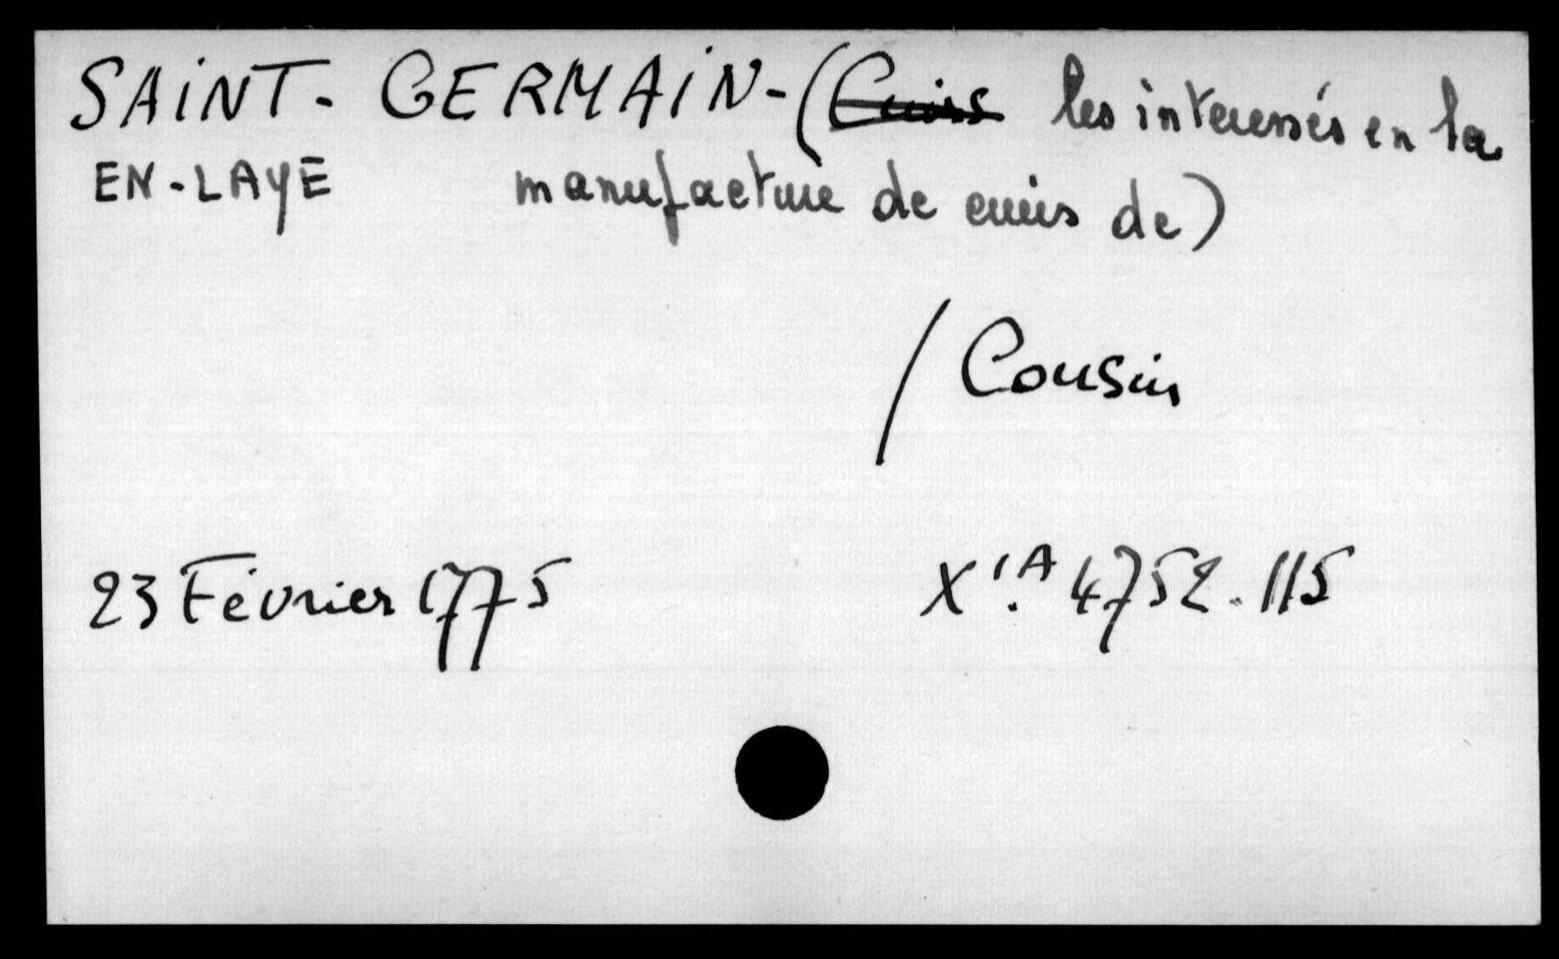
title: SAINT-GERMAIN (les intéressés en la manufacture de cuirs de)
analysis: Contre Cousin
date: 23 février 1775
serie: X1A
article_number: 4752
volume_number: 115
